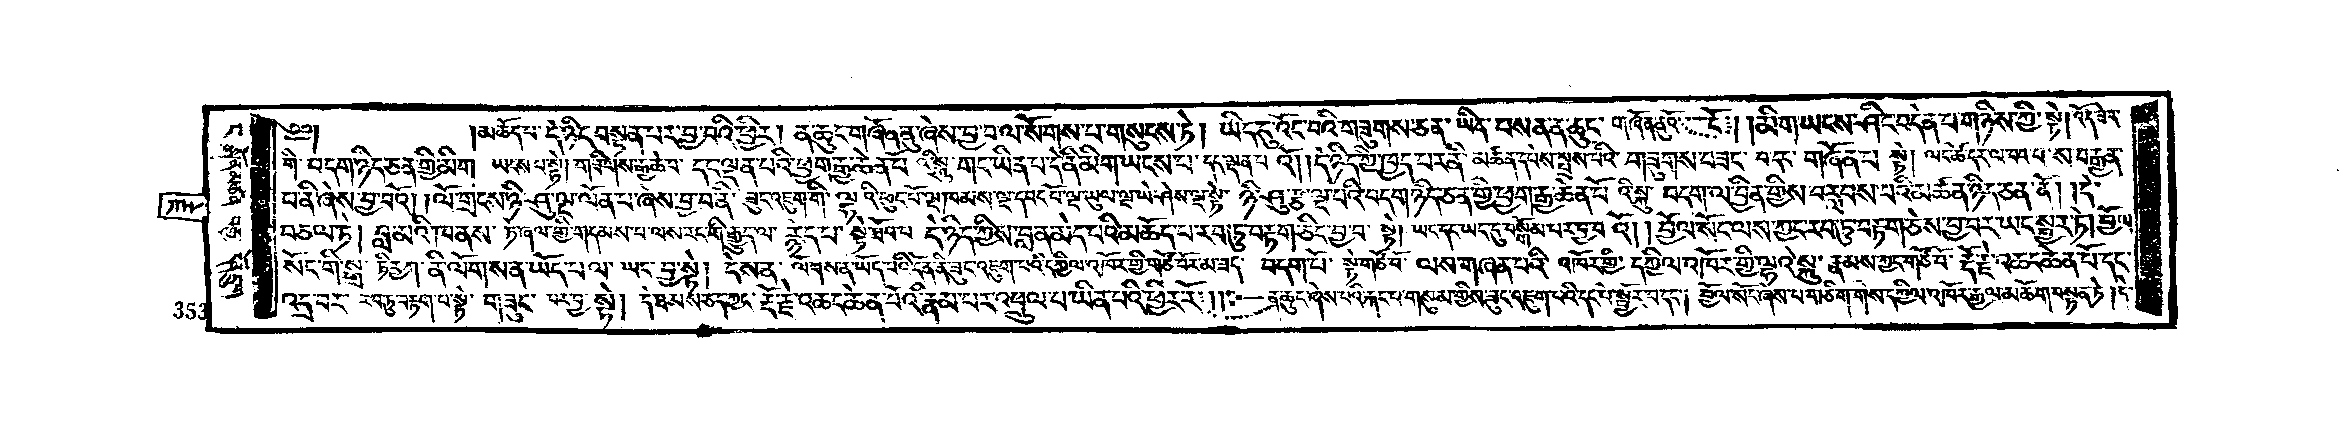༄༅། ། མཆད་པ་དེ་ཉིད་བསྟན་པར་བྱ་བའི་ཕྱིར། ན་ཆུང་གཞོན་ནུ་ཞེས་བྱ་བ་ལ་སོགས་པ་གསུངས་ཏེ། ཡིད་དུ་འོང་བའི་གཟུགས་ཅན་ཡིན་པས་ན་ན་ཆུང་གཞོན་ནུའོ་ངོ།  །མིག་ཡངས་ཤིང་བདེན་པ་གཉིས་ཀྱི་སྟེ། འོད་ཟུང་
གི་བདག་ཉིད་ཅན་གྱི་མིག་ཡངས་པ་སྟེ། གཟིགས་རྒྱ་ཆེ་བ་དང་ལྡན་པའི་ཕྱག་རྒྱ་ཆེན་པོའོ་སྐུ་གང་ཡིན་པ་དེ་ནི་མིག་ཡངས་པ་དང་ལྡན་པའོ། །དེ་ཉིད་ཀྱི་ཁྱད་པར་ནི་མཚན་དཔེས་སྤྲས་པའི་གཟུགས་བཟང་བ་དང་གཞོན་པ་སྟེ། ལང་ཚེ་དར་ལ་བབ་པ་ས་བརྒྱན་
པ་ནི་ཞེས་བྱ་བའོ། །ལོ་གྲངས་ཉི་ཤུ་ལྔ་ལོན་པ་ཞེས་བྱ་བ་ནི་ཟུང་འཇུག་གི་ལྷའི་ཕུང་པོ་ལྔ་ཁམས་ལྔ་དབང་པོ་ལྔ་ཡུལ་ལྔ་ཡེ་ཤེས་ལྔ་སྟེ་ཉི་ཤུ་རྩ་ལྔ་པའི་བདག་ཉིད་ཅན་གྱི་ཕྱག་རྒྱ་ཆེན་པོའོ་སྐུ་བདག་ལ་བྱིན་གྱིས་བརླབས་པའི་མཚན་ཉིད་ཅན་ནོ།  །དེ་
བཅལ་ཏེ། བླ་མའི་ཁ་ནས་ཏེ་ཞལ་གྱི་གདམས་པ་ལས་རང་གི་རྒྱུད་ལ་རྙེད་པ་སྟེ་ཐོབ་པ་དེ་ཉིད་ཀྱིས་བླ་ན་མེད་པའི་མཆོད་པ་རབ་ཏུ་བརྟག་ཅིང་བྱ་བ་སྟེ། ཡང་དང་ཡང་དུ་བསྒོམ་པར་བྱ་བའོ། །བྱོལ་སོང་ལས་ཀྱང་རབ་ཏུ་བརྟག་ཅེས་བྱ་བར་ཡང་སྦྱར་ཏེ། བྱོལ་
སོང་གི་སྒྲ་ཏིརྱ་ཀ་ནི་ལོགས་ན་ཡོད་པ་ལ་ཡང་བྱ་སྟེ། དེས་ན་ལོགས་ན་ཡོད་པའི་དོན་ནི་ཟུང་འཇུག་པའི་དཀྱིལ་འཁོར་གྱི་གཙོ་བོར་མ་ཟད་བདག་པོ་སྟེ་གཙོ་བོ་ལས་གཞན་པའི་འཁོར་གྱི་དཀྱིལ་འཁོར་གྱི་ལྷའི་སྐུ་རྣམས་ཀྱང་གཙོ་བོ་རྡོ་རྗེ་འཆང་ཆེན་པོ་དང་
འདྲ་བར་རབ་ཏུ་བརྟག་པ་སྟེ་གཟུང་བར་བྱ་སྟེ། དེ་ཐམས་ཅད་ཀྱང་རྡོ་རྗེ་འཆང་ཆེན་པོའི་རྣམ་པར་འཕྲུལ་པ་ཡིན་པའི་ཕྱིར་རོ།།H.་ན་ཆུང་ཞེས་པའི་རྐང་པ་གསུམ་གྱིས་ཟུང་འཇུག་པའི་དང་པོ་སྦྱོར་བ་དང་། བྱོལ་སོང་ཞེས་པ་གཅིག་གིས་དཀྱིལ་འཁོར་རྒྱལ་མཆོག་བསྟན་ཏེ། དེ་